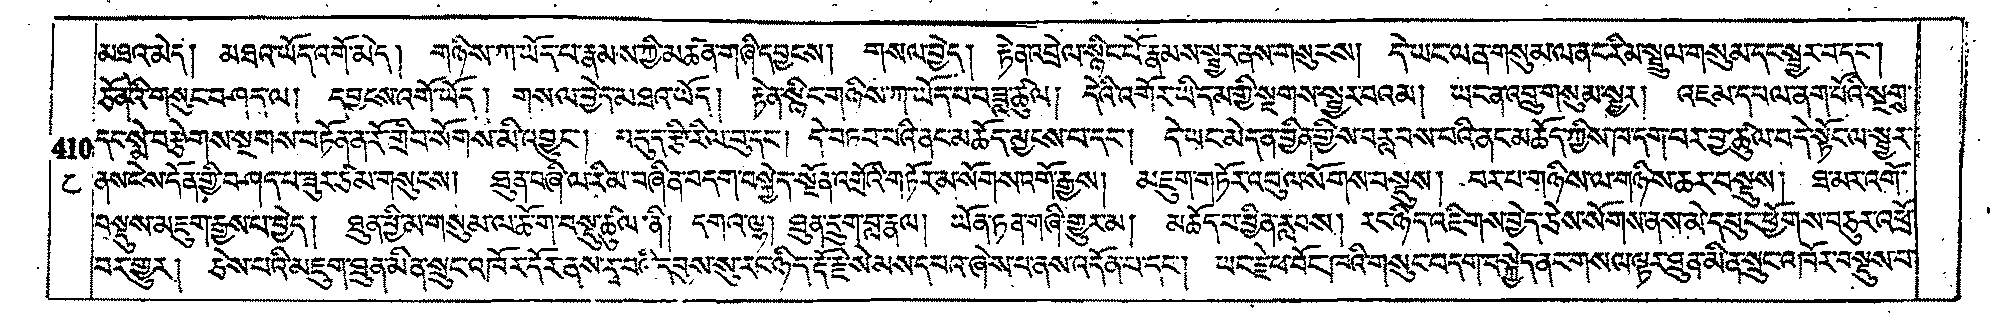མཐའ་མེད། མཐའ་ཡོད་འགོ་མེད། གཉིས་ཀ་ཡོད་པ་རྣམས་ཀྱི་མཚན་གཞི་དབྱངས། གསལ་བྱེད། རྟེན་འབྲེལ་སྙིང་པོ་རྣམས་སྦྱར་ནས་གསུངས། དེ་ཡང་ལན་གསུམ་ལ་ནང་རིམ་སྦྲུལ་གསུམ་དང་སྦྱར་བ་དང་།
ཅོ་ནེའི་གསུང་བཤད་ལ། དབྱངས་འགོ་ཡོད། གསལ་བྱེད་མཐའ་ཡོད། རྟེན་སྙིང་གཉིས་ཀ་ཡོད་པ་བཟླ་ཚུལ། དེའི་འགོར་ཡི་དམ་གྱི་སྔགས་སྦྱར་བའམ་ཡང་ན་འབྲུ་གསུམ་སྦྱར། འཇམ་དཔལ་ནག་པོའི་སྔགས་
དང་སྨེ་བརྩེགས་སྔགས་བཏོན་ན་རོ་གྲིབ་སོགས་མི་འབྱུང་། བདུད་རྩི་རིལ་བུ་དང་། དེ་བཏབ་པའི་ནང་མཆོད་མྱངས་པ་དང་། དེ་ཡང་མེད་ན་བྱིན་གྱིས་བརླབས་པའི་ནང་མཆོད་ཀྱིས་ཁ་དག་པར་བྱ་ཚུལ་བདེ་སྟོང་ལ་སྦྱར་
ནས་ངེས་དོན་གྱི་བཤད་པ་ཟུང་ཙམ་གསུངས། ཐུན་བཞི་ལ་རིམ་བཞིན་བདག་བསྐྱེད་སྔོན་འགྲོའི་གཏོར་མ་སོགས་འགོ་རྒྱས། མཇུག་གཏོར་འབུལ་སོགས་བསྡུས། བར་པ་གཉིས་ལ་གཉིས་ཆར་བསྡུས། ཐ་མར་འགོ་
བསྡུས་མཇུག་རྒྱས་པ་བྱེད། ཐུན་ཕྱི་མ་གསུམ་ལ་ཆོ་ག་བསྡུ་ཚུལ་ནི། དགའ་ལྷ། ཐུན་དྲུག་བླ་རྣལ། ཡོན་ཏན་གཞི་གྱུར་མ། མཆོད་པ་བྱིན་རླབས། རང་ཉིད་འཇིགས་བྱེད་ཅེས་སོགས་ནས་མེ་དཔུང་ཕྱོགས་བཅུར་འཕྲོ་
བར་གྱུར། ཅེས་པའི་མཇུག་ཐུན་མིན་སྲུང་འཁོར་དོར་ནས་རྭ་བའི་དབུས་སུ་རང་ཉིད་རྡོ་རྗེ་སེམས་དཔའ་ཞེས་པ་ནས་འདོན་པ་དང་། ཡང་རྗེ་ཕ་བོང་ཁའི་གསུང་བདག་བསྐྱེད་ནང་གསལ་ལྟར་ཐུན་མིན་སྲུང་འཁོར་བསྡུས་པ་